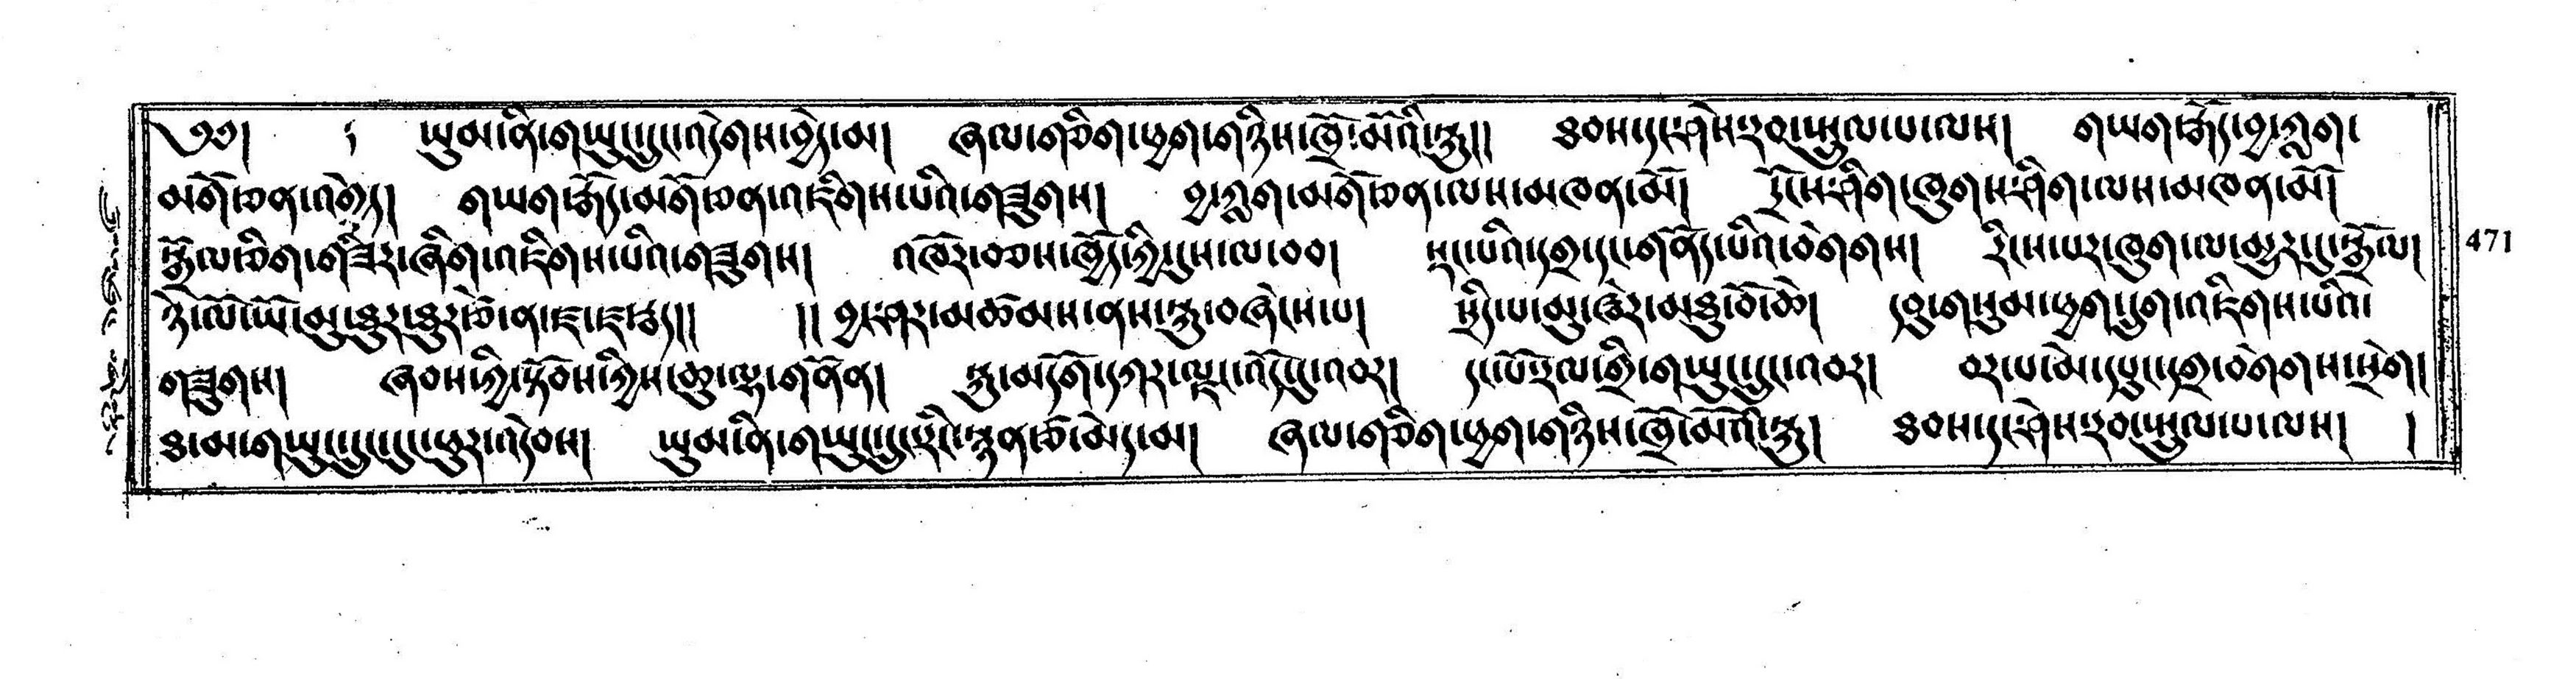ཡུམ་ནི་གཡུང་དྲུང་འདེགས་བྱེད་མ། ཞལ་གཅིག་ཕྱག་གཉིས་ཁྲོ་མོའི་སྐུ།། ཐབས་དང་ཤེས་རབ་སྤྲུལ་པ་ལས། གཡག་རྒོད་བྱ་ཀླག་
མགོ་ཅན་འགྱེད། གཡག་རྒོད་མགོ་ཅན་འཇིགས་པའི་གཟུགས། བྱ་ཀླག་མགོ་ཅན་ལས་མཁན་མོ། དྲོངས་ཤིག་ཁུགས་ཤིག་ལས་མཁན་མོ། 
སྒྲོལ་ཅིག་གཟིར་ཞིག་འཇིགས་པའི་གཟུགས། འཁོར་བཅས་ཁྱོད་ཀྱི་{484}དུས་ལ་བབ། སྡང་པའི་དགྲ་དང་གནོད་པའི་བགེགས། རིངས་པར་ཁུག་ལ་མྱུར་དུ་སྒྲོལ། 
ཉེ་ལོ་ཡོ་མུ་ཐུར་ཐུར་ཙེ་ན་ཛ་ཛ་རྦད།། །།བྱང་ཤར་མཚམས་ནས་སྐུར་བཞེངས་པ། སྲིད་པ་མུ་ཝེར་མཐུ་བོ་ཆེ། དབུ་གསུམ་ཕྱག་དྲུག་འཇིགས་པའི་
གཟུགས། ཞབས་ཀྱི་སྟོབས་ཀྱིས་ཆུ་ལྷ་གནོན། སྐུ་མདོག་དཀར་ལྗང་འོད་དུ་འབར། དང་པོ་རལ་གྲི་གཡུང་དྲུང་འབར། བར་པ་མེ་དཔུང་དགྲ་བགེགས་སྲེག། 
ཐ་མ་གཡུང་དྲུང་དུང་ཕུར་འདེབས། ཡུམ་ནི་གཡུང་དྲུང་རིང་སྙན་ཙ་མེད་མ། ཞལ་གཅིག་ཕྱག་གཉིས་ཁྲོ་མོའི་སྐུ། ཐབས་དང་ཤེས་རབ་སྤྲུལ་པ་ལས།